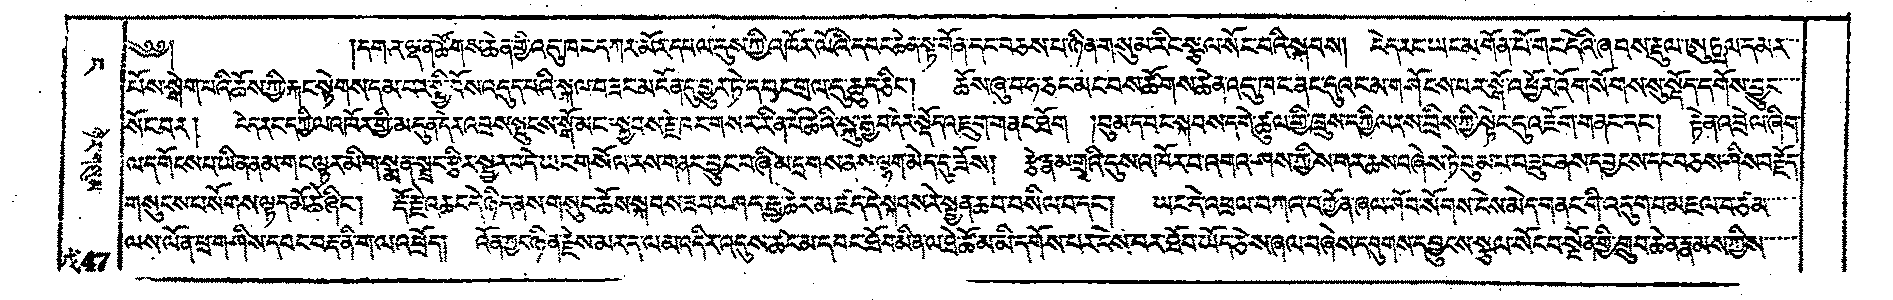༄༅། །དགའ་ལྡན་ཚོགས་ཆེན་གྱི་འདུ་ཁང་དཀར་མོར་དཔལ་དུས་ཀྱི་འཁོར་ལོའི་དབང་ཆེན་སྟ་གོན་དང་བཅས་པ་ཉིན་གསུམ་རིང་སྩལ་སོང་བའི་སྐབས། ངེད་རང་ཡང་མགོན་པོ་གང་དེའི་ཞབས་རྡུལ་ཨུཏྤལ་དམར་
པོས་སྒེག་པའི་ཆོས་ཀྱི་རྐང་སྟེགས་དམ་པར་སྤྱི་བོས་འདུད་པའི་སྐལ་བཟང་མངོན་དུ་གྱུར་ཏེ་དབང་གྲལ་དུ་ཆུད་ཅིང་། ཆོས་ཞུ་བ་ཧ་ཅང་མང་བས་ཚོགས་ཆེན་འདུ་ཁང་ནང་དུའང་མ་གཤོངས་པར་སྒོ་འཕྱོར་འོག་སོགས་སུ་སྡོད་དགོས་བྱུང་
སོང་བར། ངེད་རང་དཀྱིལ་འཁོར་གྱི་མདུན་དེར་འབྲས་སྤུངས་སྒོ་མང ༧སྐྱབས་རྗེ་ཁང་གསར་རིན་པོ་ཆེའི་སྐུ་རྒྱབ་དེར་སྡོད་འཇུག་གནང་ཐོག །བུམ་དབང་སྐབས་དགེ་ཚུལ་གྱི་ཁྲུས་དཀྱིལ་རས་བྲིས་ཀྱི་སྟེང་དུ་འཇོག་གནང་དང་། རྟེན་འབྲེལ་ཞིག་
ལ་དགོངས་པ་ཡིན་ནམ་གང་ལྟར་མིག་སྨན་སྦྲང་རྩིར་སྦྱར་བ་དེ་ཡང་གསོལ་རས་གནང་བྱུང་བ་ཞིམ་དྲགས་ནས་ལྷག་མེད་དུ་ཟོས། རྩེ་རྣམ་གྲྭའི་དུས་འཁོར་བ་འགའ་ཤས་ཀྱིས་གར་ཆས་བཞེས་ཏེ་བུམ་པ་བཟུང་ནས་དབྱངས་དང་བཅས་ཤིས་བརྗོད་
གསུངས་པ་སོགས་ལྟད་མོ་ཆེ་ཞིང་། རྡོ་རྗེ་འཆང་དེ་ཉིད་ནས་གསུང་ཆོས་སྐབས་ཟབ་བཤད་རྒྱ་ཆེར་མཛད་དེ་སྐབས་རེ་སྤྱན་ཆབ་བསིལ་བ་དང་། ཡང་དེ་འཕྲལ་བཀའ་བཀྱོན་ཞལ་ཤོབ་སོགས་ངེས་མེད་གནང་གི་འདུག་པ་མཇལ་བ་ཙམ་
ལས་ལོ་ན་ཕྲ་གཤིས་དབང་བརྡ་ནི་ག་ལ་འཕྲོད། འོན་ཀྱང་ཉིན་རྗེས་མར་ད་ལམ་འདིར་འདུས་ཚང་མ་དབང་ཐོབ་མིན་ལ་ཐེ་ཚོམ་མི་དགོས་པར་ངེས་པར་ཐོབ་ཡོད་ཅེས་ཞལ་བཞེས་དབུགས་དབྱུངས་སྩལ་སོང་བ་སྔོན་གྱི་གྲུབ་ཆེན་རྣམས་ཀྱིས་